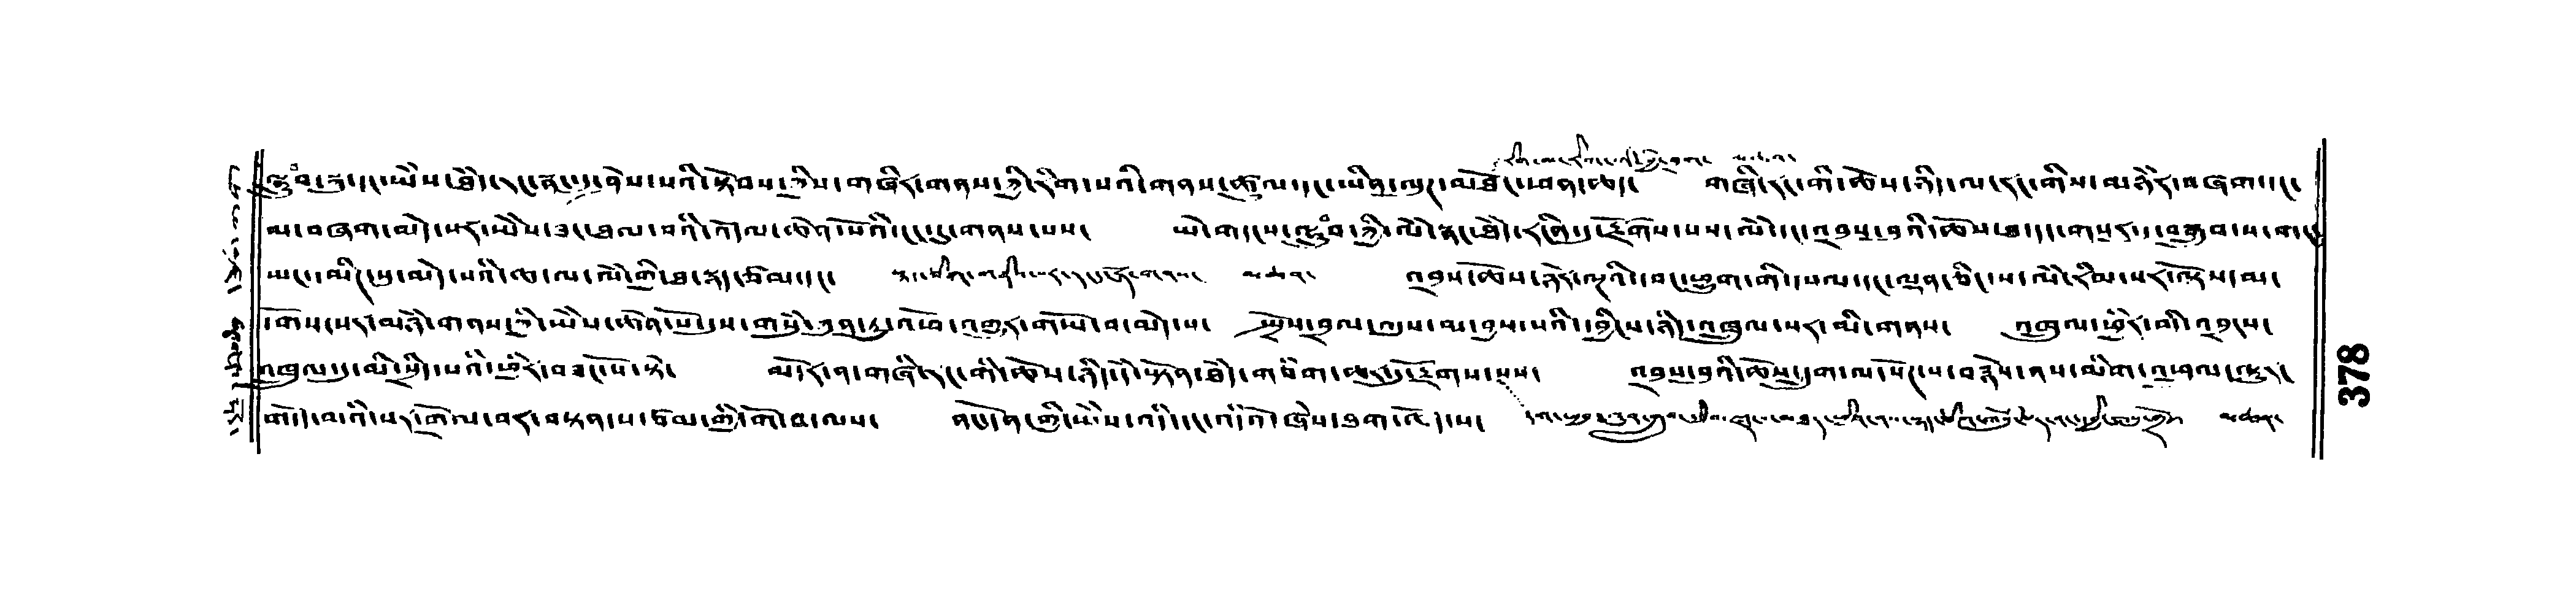ལྷུན་གྲུབ་སྐུ་དང་ཡེ་ཤེས་ཐམས་ཅད་རང་སྣང་དུ་ཤེས་པའི་སྟོབས་ཀྱིས་གཞིར་གནས་ཀྱི་རིག་པའི་གནས་ཚུལ་དང་ཡིན་ལུགས་མཐོང་ཕན་ཆད། གཞི་རང་གི་ཆོས་ཉིད་ལ་རང་གིས་མཉམ་པར་བཞག་དང་
མ་བཞག་མེད་པར་ཡེ་ཤེས་ཟང་ཐལ་བའི་འོད་གསལ་ཆེན་པོའི་ངང་དུ་གནས་པས། ཡེ་གདངས་ལྷུན་གྲུབ་ཀྱི་ལམ་སྣང་ཐམས་ཅད་རང་བཞིན་དུ་རྫོགས་པས་ལམ་དང་འབྲས་བུའི་ཆོས་ཐ་དད་གསར་དུ་བསྒྲུབ་པ་གང་
ཡང་དམིགས་སུ་མེད་པའི་ཆ་ལ་ལམ་གྱི་ཐ་སྙད་ཙམ་དང་། སྐད་ཅིག་གཉིས་པར་རང་ངོར་ནས། མཆན། འབྲས་ཆོས་ཉེར་ལྔའི་དབང་ཕྱུག་གི་དཔལ་དང་ལྡན་ཅིང་ས་ལམ་རིམ་པར་ལྟོས་མ་
དགོས་པར་མཉམ་གནས་ཀྱི་ཡེ་ཤེས་ཆེན་པོ་དུས་གསུམ་ཀུན་ཏུ་འཕོ་འགྱུར་གཡོ་བ་མེད་པ། སྤྲོས་བྲལ་འདུས་མ་བྱས་པའི་དབྱིངས་ཉིད་འཁྲུལ་པར་མི་གནས།འཁྲུལ་ཕྱིར་མི་འབྲངས་
འཁྲུལ་དུ་མི་སྲིད་པའི་ཕྱིར་བཟང་པོ་སྟེ། མདོར་ན་གཞི་རང་གི་ཆོས་ཉིད་དམ་ཡོན་ཏན་ཐམས་ཅད་གཅིག་ཆར་དུ་རྗོགས་པས། འབྲས་བུའི་ཆོས་དྲུག་ལ་སོགས་པ་བརྙེས་ནས་མིག་འཕྲུལ་ལྟ་བུར་
གདོད་མའི་སར་གྲོལ་བར་བསྟན་པ་ཙམ་གྱི་གོ་བ་ལས། ནང་དོན་གྱི་ཡེ་ཤེས་འདི་དང་འདིའོ་ཞེས་ཐག་ཆོད་པ་